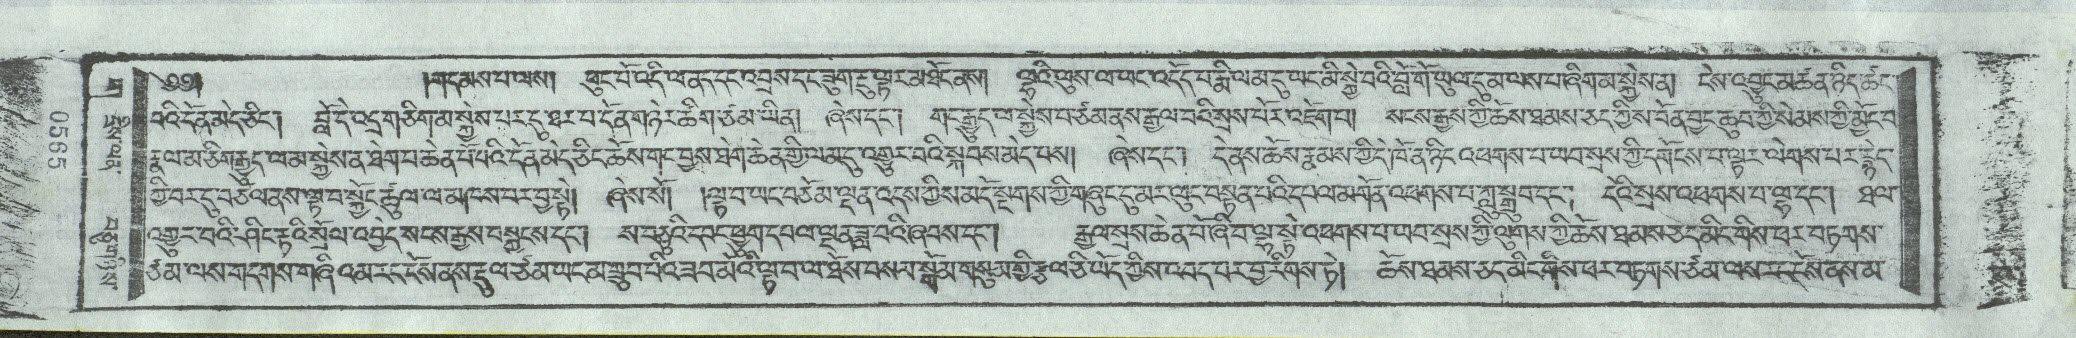༄༅། །གདམས་པ་ལས། ཕུང་པོ་འདི་ལ་ནད་དང་འབྲས་དང་ཟུག་རྔུ་ལྟར་མཐོང་ནས། ལྷའི་ལུས་ལ་ཡང་འདོད་པ་རྨི་ལམ་དུ་ཡང་མི་སྐྱེ་བའི་བློ་གོ་ཡུལ་དུ་མ་ལས་པ་ཞིག་མ་སྐྱེས་ན། ངེས་འབྱུང་མཚན་ཉིད་ཚང་
པའི་དོན་མེད་ཅིང་། བློ་དེ་འདྲ་གཅིག་མ་སྐྱེས་པར་དུ་ཐར་པ་དོན་གཉེར་ཚིག་ཙམ་ཡིན། ཞེས་དང་། གང་རྒྱུད་ལ་སྐྱེས་པ་ཙམ་ནས་རྒྱལ་བའི་སྲས་པོར་འཇོག་པ། སངས་རྒྱས་ཀྱི་ཆོས་ཐམས་ཅད་ཀྱི་ས་བོན་བྱང་ཆུབ་ཀྱི་སེམས་ཀྱི་མྱོང་བ་
རྣལ་མ་ཅིག་རྒྱུད་ལམ་སྐྱེས་ན་ཐེག་པ་ཆེན་པོ་པའི་དོན་མེད་ཅིང་ཆོས་གང་བྱས་ཐེག་ཆེན་གྱི་ལམ་དུ་འགྱུར་བའི་སྐབས་མེད་པས། ཞེས་དང་། དེ་ནས་ཆོས་རྣམས་ཀྱི་དེ་ཁོ་ན་ཉིད་འཕགས་པ་ཡབ་སྲས་ཀྱི་དགོངས་པ་ལྟར་ལེགས་པར་རྙེད་
ཀྱི་བར་དུ་བཙལ་ནས་ལྟ་བ་སྐྱོང་ཚུལ་ལ་མཁས་པར་བྱ་སྟེ། ཞེས་སོ། །ལྟ་བ་ཡང་བཅོམ་ལྡན་འདས་ཀྱིས་མདོ་སྔགས་ཀྱི་གཞུང་དུ་མར་ལུང་བསྟན་པའི་དཔལ་མགོན་འཕགས་པ་ཀླུ་སྒྲུབ་དང་། དེའི་སྲས་འཕགས་པ་ལྷ་དང་། ཐལ་
འགྱུར་བའི་ཤིང་རྟའི་སྲོལ་འབྱེད་སངས་རྒྱས་བསྐྱངས་དང་། ས་བཅུའི་དབང་ཕྱུག་དཔལ་ལྡན་ཟླ་བའི་ཞབས་དང་། རྒྱལ་སྲས་ཆེན་པོ་ཞི་བ་ལྷ་སྟེ་འཕགས་པ་ཡབ་སྲས་ཀྱི་ལུགས་ཀྱི་ཆོས་ཐམས་ཅད་མིང་གིས་ཕར་བཏགས་
ཙམ་ལས་གདགས་གཞིའམ་རང་ངོས་ནས་རྡུལ་ཙམ་ཡང་མ་གྲུབ་པའི་ཟབ་མོའི་ལྟ་བ་ལ་ཐོས་བསམ་སྒོམ་གསུམ་གྱི་རྩལ་ཅི་ཡོད་ཀྱིས་འབད་པར་བྱ་རིགས་ཏེ། ཆོས་ཐམས་ཅད་མིང་གིས་ཕར་བཏགས་ཙམ་ལས་རང་ངོས་ནས་མ་